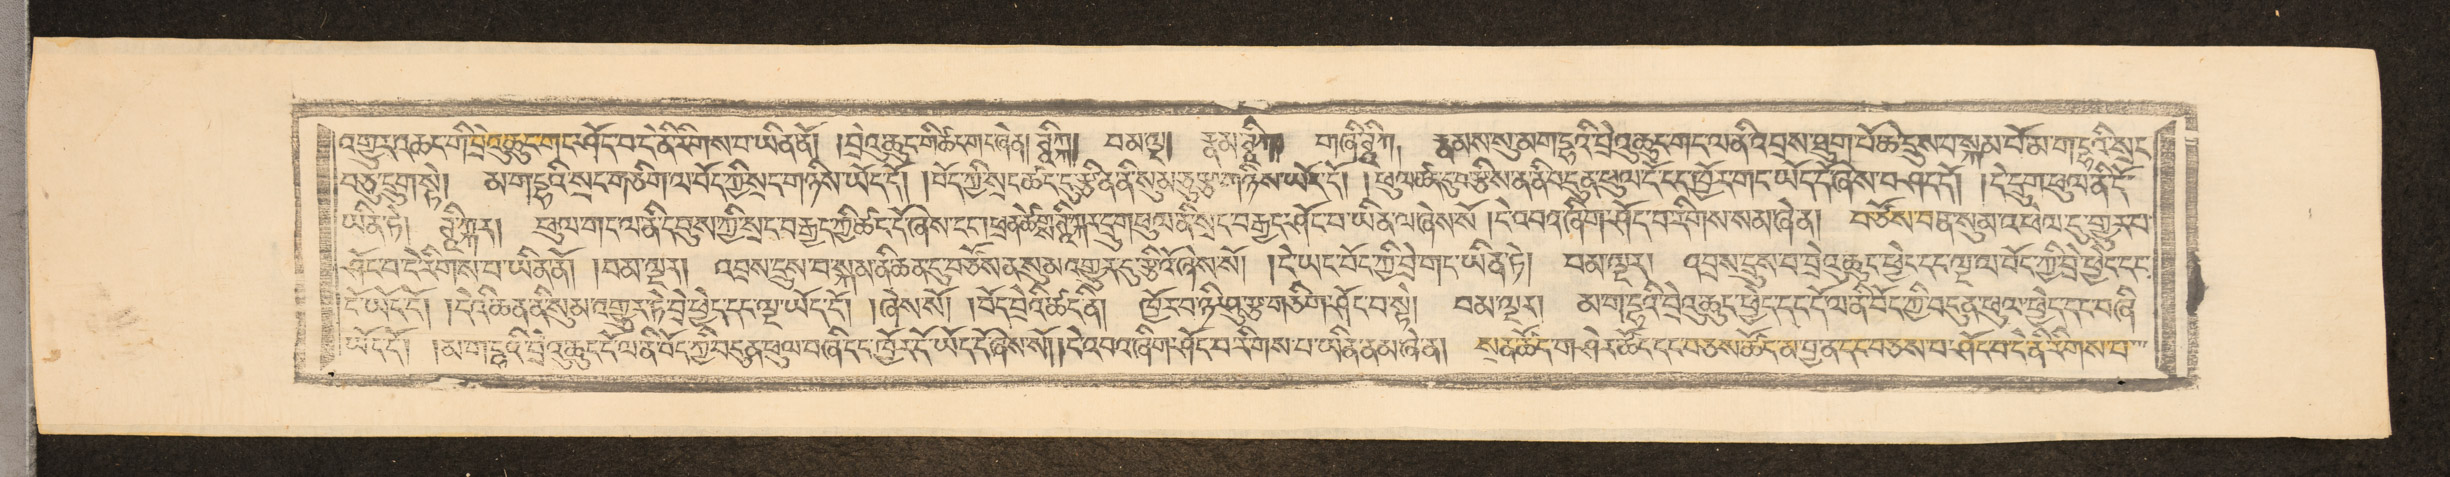འགྱུར་འཆང་གི་བྲེའུ་ཆུང་གང་ཤོང་བ་དེ་ནི་རིགས་པ་ཡིན་ནོ། །བྲེའུ་ཆུང་གི་ཚང་གང་ཞེ་ན། ཊཱིཀྐ། བམ་ལྔ། རྣམ་ཊཱིཀ། གཞི་ཊཱིཀ། རྣམས་སུ་མ་གངྷའི་བྲེའུ་ཆུང་གང་ལ་ནི་འབྲས་ཐུག་པོ་ཆེ་དྲུས་པ་སྐམ་པོ་མ་གདྷའི་སྲང་
བཅུ་དྲུག་སྟེ། མ་ག་དྷའི་སྲང་གཅིག་ལ་བོད་ཀྱི་སྲང་གཉིས་ཡོད་དོ། །བོད་ཀྱི་སྲང་ཚད་དུ་རྩི་ན་ནི་སུམ་ཅུ་རྩ་གཉིས་ཡོད་དོ། །ཕུལ་ཚད་དུ་བ་རྩིས་ན་ནི་བདུན་ཕུལ་དོ་དང་ཁྱོར་གང་ཡོད་དོ་ཞེས་བཤད་དོ། །དེ་དྲུག་ཕུལ་ནི་དོ་
ཡིན་ཏེ། ཊཱིཀྐར། ཕུལ་གང་ལ་ནི་དབུས་ཀྱི་སྲང་བརྒྱད་ཀྱི་ཚད་དོ་ཞེས་དང་། ཕྲན་ཚེགས་ཊཱིཀྐར་དྲུག་ཕུལ་ནི་སྲང་བརྒྱད་ཤོང་པ་ཡིན་ལ་ཞེས་སོ། །དེ་འབའ་ཞིག་ཤོང་བ་རིགས་སམ་ཞེ་ན། བཙོས་པ་ན་སུམ་འཕེལ་དུ་གྱུར་པ་
ཤོང་བ་དེ་རིགས་པ་ཡིན་ནོ། །བམ་ལྔར། འབྲས་དྲུས་པ་སྐམ་ནི་ཆན་དུ་བཙོས་ན་སུམ་འགྱུར་དུ་རྩིའོ་ཞེས་སོ། །དེ་ཡང་བོད་ཀྱི་བྲེ་གང་ཡིན་ཏེ། བམ་ལྔར། འབྲས་དྲུས་པ་བྲེའུ་ཆུང་ཕྱེད་དང་ལྔ་ལ་བོད་ཀྱི་བྲེ་ཕྱེད་དང་
དོ་ཡོད་དོ། །དེའི་ཆན་ནི་སུམ་འགྱུར་ཏེ་བྲེ་ཕྱེད་དང་ལྔ་ཡོད་དོ། །ཞེས་སོ། །བོད་བྲེའི་ཚད་ནི། ཁྱོར་བ་ཉི་ཤུ་རྩ་གཅིག་ཤོང་བ་སྟེ། བམ་ལྔར། མ་ག་དྷའི་བེའུ་ཆུང་ཕྱེད་དང་དོ་ལ་ནི་བོད་ཀྱི་བདུན་ཕུལ་ཕྱེད་དང་བཞི་
ཡོད་དོ། །མ་ག་དྷའི་བྲེའུ་ཆུང་དོ་ལ་ནི་བོད་ཀྱི་བདུན་ཕུལ་བཞི་དང་ཁྱོར་དོ་ཡོད་དོ་ཞེས་སོ། །དེ་འབའ་ཞིག་ཤོང་བ་རིགས་པ་ཡིན་ནམ་ཞེ་ན། སྲན་ཚོད་གཤེར་ཚོད་དང་བཅས་ཚོད་མ་བྱ་ན་དང་བཅས་པ་ཤོང་བ་དེ་ནི་རིགས་པ་